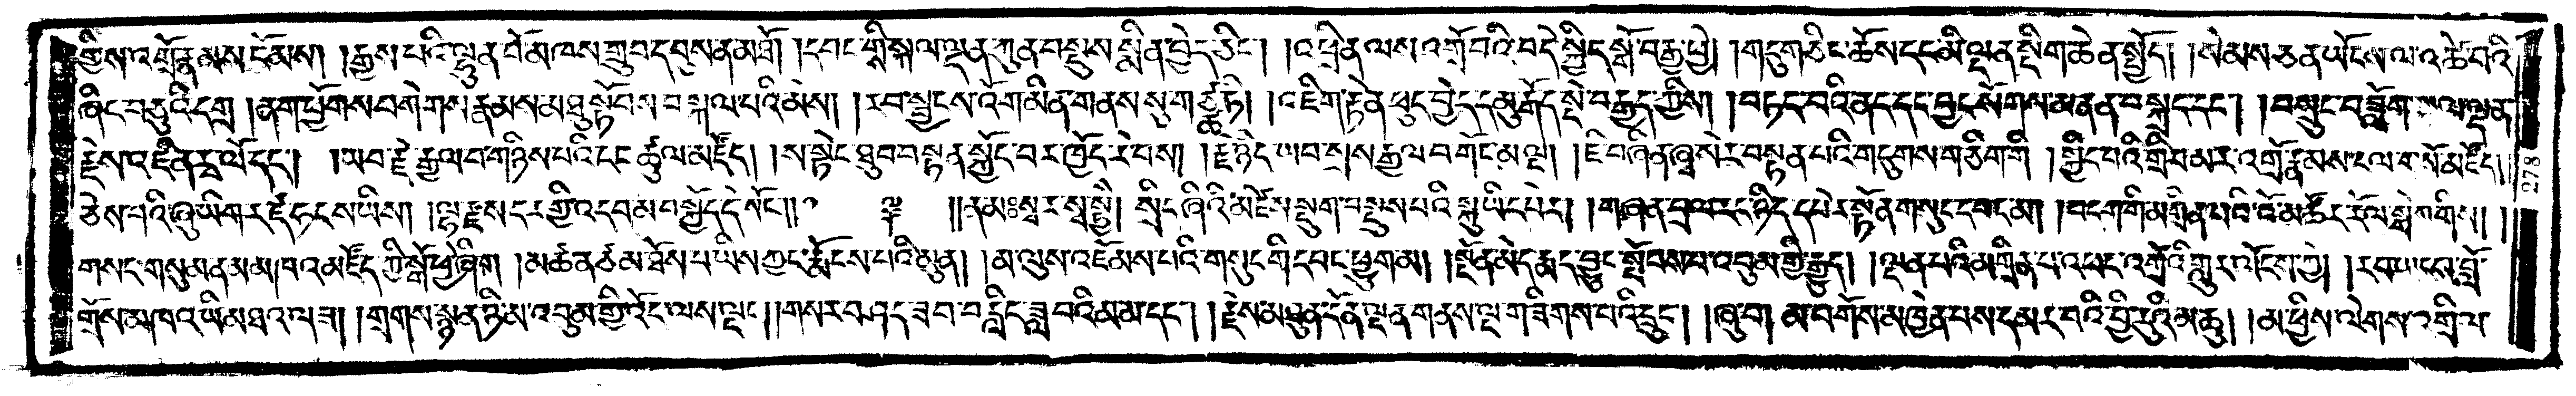གྱིས་འགྲོན་མས་ངོམས། །རྒྱས་པའི་ལྷུན་བོ་མཁས་གྲུབ་དབུས་ན་མཐོ། །དབང་གིས་སྐལ་ལྡན་ཀུན་བསྡུས་སྨིན་བྱེད་ཅིང་། །འཕྲིན་ལས་འགྲོ་བའི་བདེ་སྐྱིད་སྒོ་བརྒྱ་ཕྱེ། །གདུག་ཅིང་ཆོས་དང་མི་ལྡན་སྡིག་ཆེན་སྤྱོད། །སེམས་ཅན་ཡོངས་ལ་འཚེ་བའི་
ཞིང་བཅུའི་དགྲ་།ནག་ཕྱོགས་བགེགས་རྣམས་མཐུ་སྟོབས་བསྐལ་པའི་མེས། །རབ་སྦྱངས་འོག་མིན་གནས་སུ་གཙྪ་ཏི། །འཇིག་རྟེན་ཕུང་བྱེད་དམུ་རྒོད་སྔེ་བརྒྱད་ཀྱིས། །བཏང་བའི་ནད་དང་བྱང་སོགས་མན་ན་བསྐྲད་དང་། །བསྲུང་བཟློག་སལ?་ལྡན་
རྗེས་འཛིན་རྭ་ལོ་དང་། །ཡབ་རྗེ་རྒྱལ་བ་གཉིས་པའི་དང་ཚུལ་མཛད། །ས་སྟེང་ཐུབ་བསྟན་སྐྱོང་བར་ཁྱོད་རེ་བས། །རྗེ་ཉིད་ཡབ་སྲས་རྒྱལ་བགོང་མ་ལྔ། །ཇི་བཞིན་ཞྭ་སེར་བསྟན་པའི་གདུགས་གཅིག་གི །སྐྱིད་བའི་གྲིབ་མར་འགྲོ་རྣམས་ངལ་གསོ་མཛོད།
ཅེས་བའི་ཞུ་ཡི་གར་ཛ་ཧང་ས་ཡིས། །ལྷ་རྫས་དར་གྱི་འདབ་མ་བསྐྱོད་དེ་སོང།། ༈ །། ན་མཿ སྭར་སྭསྟྱཻ། སྲིང་ཞིའི་མཛེས་སྡུག་བསྡུས་པའི་སྐུ་ཡིད་པེར། །གཞན་བྲལ་རང་ཉིད་དཔེར་སྟོན་གསུང་དབང་མ། །བདག་གི་མགྲིན་པའི་འོ་འཚོར་རོལ་གླེས?་གིས། །
གསང་གསུམ་ནམ་མཁའ་མཛོད་ཀྱི་སྒོ་ཕྱེ་ཞིག །མཚན་ཙམ་ཐོས་པ་ཡིས་ཀྱང་རྨོངས་པའི་མུན། །མ་ལུས་འཇོམས་པའི་གསུང་གི་དབང་ཕྱུག་མ། །སྔོན་མེད་རྨད་བྱུང་སྤོབས་བ་འབུམ་གྱི་རྒྱུད། །ལྡན་པའི་མགྲིན་པ་འཕང་འགྲོའི་གླུར་ལོངས་ཀྱེ། །རབ་ཡང་བ་བློ་
གྲོས་མཁའ་ཡི་མཐའ་ལས?། །གྲགས་སྙན་ཉི་མ་འབུམ་གྱི་འོང་ལས་ལྡང་། །གསར་བཤད་ཟབ་བརླིད་ཟླ་བའི་མམ་དང་། །རྗེས་མཐུན་དོན་ལྡན་གནས་ལྔ་གཟིགས་པའི་དྲུང་། །ཞུ་གམ་གོས་མཁྱེན་བས་དམར་བའི་བྱི་རུའི་མཆུ། །མ་ཕྱིས་ལེགས་འགྲིལ་